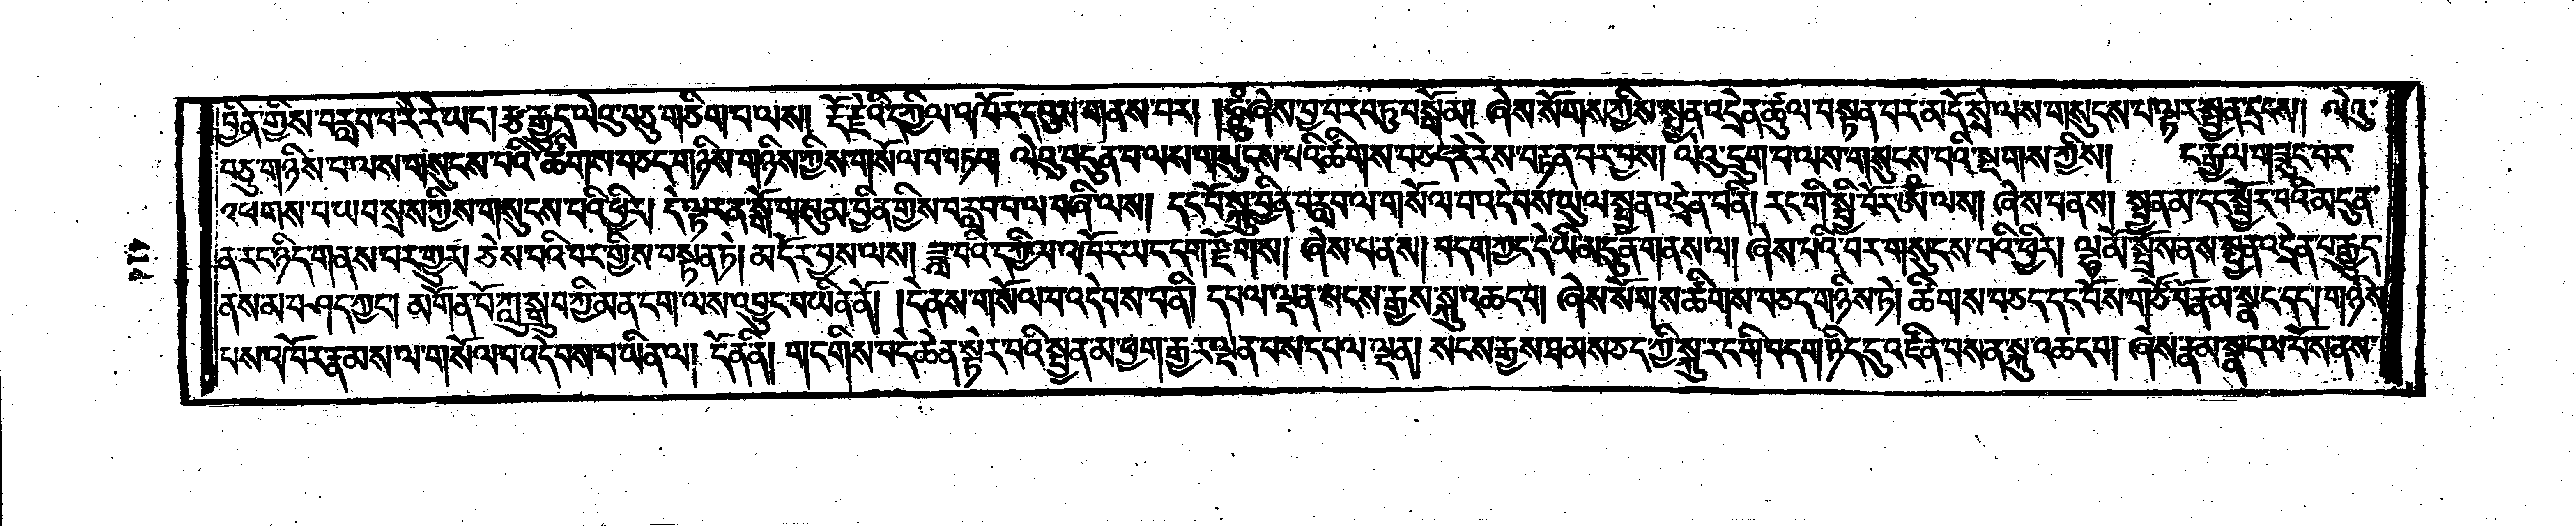བྱིན་གྱིས་བརླབ་པ་རེ་རེ་ཡང་། རྩ་རྒྱུད་ལེའུ་བཅུ་གཅིག་པ་ལས། རྡོ་རྗེའི་དཀྱིལ་འཁོར་དབུས་གནས་པར། །ཧཱུཾ་ཞེས་བྱ་བ་རབ་ཏུ་བསྒོམ། ཞེས་སོགས་ཀྱིས་སྤྱན་འདྲེན་ཚུལ་བསྟན་པར་མདོ་སྲེ་ལས་གསུངས་པ་ལྟར་སྤྱན་དྲངས། ལེའུ་
བཅུ་གཉིས་པ་ལས་གསུངས་པའི་ཚིགས་བཅད་གཉིས་གཉིས་ཀྱིས་གསོལ་བ་བཏབ། ལེའུ་བདུན་པ་ལས་གསུངས་པའི་ཚིགས་བཅད་རེ་རེས་བརྟན་པར་བྱས། ལེའུ་དྲུག་པ་ལས་གསུངས་པའི་སྔགས་ཀྱིས། ང་རྒྱལ་གཟུང་བར་
འཕགས་པ་ཡབ་སྲས་ཀྱིས་གསུངས་པའི་ཕྱིར། དེ་ལྟར་ན་སྒོ་གསུམ་བྱིན་གྱིས་བརླབ་པ་ལ་བཞི་ལས། དང་པོ་སྐུ་བྱིན་བརླབ་ལ་གསོལ་བ་འདེབས་ཡུལ་སྤྱན་འདྲེན་པ་ནི། རང་གི་སྤྱི་བོར་ཨོཾ་ལས། ཞེས་པ་ནས། སྤྱན་མ་དང་སྦྱོར་བའི་མདུན་
ན་རང་ཉིད་གནས་པར་གྱུར། ཅེས་པའི་བར་གྱིས་བསྟན་ཏེ། མདོར་བྱས་ལས། ཟླ་བའི་དཀྱིལ་འཁོར་ཡང་དག་རྫོགས། ཞེས་པ་ནས། བདག་ཀྱང་དེ་ཡི་མདུན་གནས་ལ། ཞེས་པའི་བར་གསུངས་པའི་ཕྱིར། ལྷ་མོ་སྤྲོས་ནས་སྤྱན་འདྲེན་པ་རྒྱུད་
ནས་མ་བཤད་ཀྱང་། མགོན་པོ་ཀླུ་སྒྲུབ་ཀྱི་མན་ངག་ལས་འབྱུང་བ་ཡིན་ནོ། །དེ་ནས་གསོལ་བ་འདེབས་པ་ནི། དཔལ་ལྡན་སངས་རྒྱས་སྐུ་འཆང་བ། ཞེས་སོགས་ཚིགས་བཅད་གཉིས་ཏེ། ཚིགས་བཅད་དང་པོས་གཙོ་བོ་རྣམ་སྣང་དང་། གཉིས་
པས་འཁོར་རྣམས་ལ་གསོལ་བ་འདེབས་པ་ཡིན་ལ། དོན་ནི། གང་གིས་བདེ་ཆེན་སྟེར་བའི་སྤྱན་མ་ཕྱག་རྒྱར་ལྡན་པས་དཔལ་ལྡན། སངས་རྒྱས་ཐམས་ཅད་ཀྱི་སྐུར་ངག་བདག་ཉིད་དུ་འཛིན་པས་ན་སྐུ་འཆང་བ། ཞེས་རྣམ་སྣང་ལ་བོས་ནས་